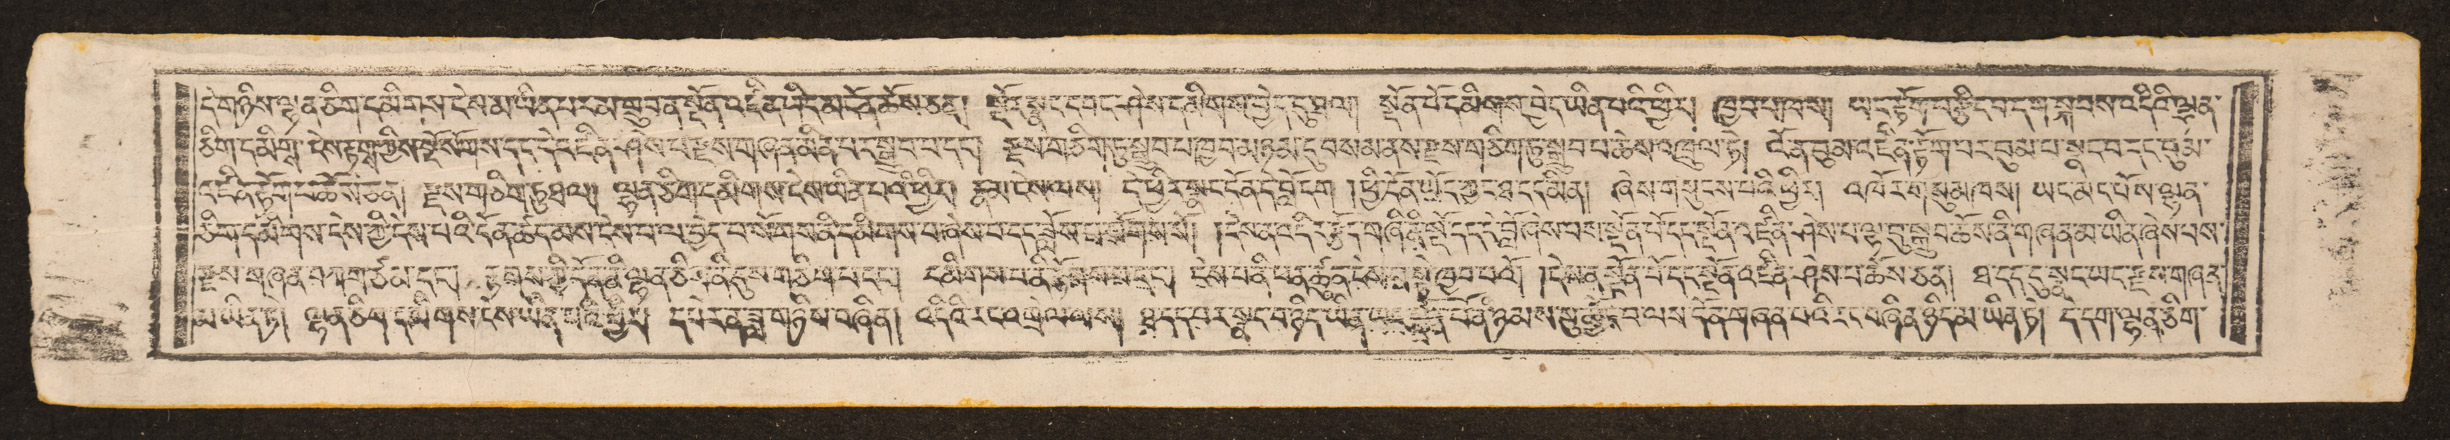དེ་གཉིས་ལྷན་ཅིག་དམིགས་ངེས་མ་ཡིན་པར་མ་གྲུབ་ན་སྔོན་འཛིན་ཡིད་མངོན་ཆོས་ཅན། སྔོར་སྣང་དབང་ཤེས་དམིགས་བྱེད་དུ་ཐལ། སྔོན་པོ་དམིགས་བྱེད་ཡིན་པའི་ཕྱིར། ཁྱབ་པ་ཁས། ཡང་རྟོག་བརྩིང་བ་དག་སྐབས་འདིའི་ལྷན་
ཅིག་དམིགས་ངེས་རྟགས་ཀྱིས་སྡོ་སོགས་དང་དེ་འཛིན་ཤེས་པ་རྫས་གཞན་མིན་པར་སྒྲུབ་པ་དང་། རྫས་གཅིག་ཏུ་སྒྲུབ་པ་ཁྱབ་མཉམ་དུ་བསམ་ནས་རྫས་གཅིག་ཏུ་སྒྲུབ་པ་ཆེས་འཁྲུལ་ཏེ། འོ་ན་བུམ་འཛིན་རྟོག་པར་བུམ་པ་སྣང་བ་དང་བུམ་
འཛིན་རྟོག་པ་ཆོས་ཅན། རྫས་གཅིག་ཏུ་ཐལ། ལྷན་ཅིག་དམིགས་ངེས་ཡིན་པའི་ཕྱིར། རྣམ་ངེས་ལས། དེ་ཕྱིར་སྣང་དོན་དེ་བློ་དག །ཕྱི་དོན་ཡོད་ཀྱང་ཐ་དད་མིན། ཞེས་གསུངས་པའི་ཕྱིར། འཁོར་གསུམ་ཁས། ཡང་མང་པོས་ལྷན་
ཅིག་དམིགས་ངེས་ཀྱི་ངེས་པའི་དོན་ཚད་མས་ངེས་པ་ལ་བྱེད་པ་སོགས་ནི་དམིགས་པ་ཞེས་པ་དང་ཟློས་པ་སོགས་སོ། །དེས་ན་འདིར་རྩོད་གཞི་ནི་སྡོ་དང་དེ་བློ་ཞེས་པས་སྔོན་པོ་དང་སྔོན་འཛིན་ཤེས་པ་ལྷ་བུ་སྒྲུབ་ཆོས་ནི་གཞན་མ་ཡིན་ཞེས་པས་
རྫས་གཞན་བཀག་ཙམ་དང་། རྟགས་ཀྱི་དོན་ནི་ལྷན་ཅིག་ནི་དུས་གཅིག་པ་དང་། དམིགས་པ་ནི་རྟོགས་པ་དང་། ངེས་པ་ནི་ཕན་ཚུན་ངེས་པ་སྟེ་ཁྱབ་པའོ། །ངེས་ན་སྔོན་པོ་དང་སྔོན་འཛིན་ཤེས་པ་ཆོས་ཅན། ཐ་དད་དུ་སྣང་ཡང་རྫས་གཞན་
མ་ཡིན་ཏེ། ལྷན་ཅིག་དམིགས་ངས་ཡིན་པའི་ཕྱིར། དཔེར་ན་ཟླ་གཉིས་བཞིན། འདིའི་རང་འགྲེལ་ལས། ཐ་དད་པར་སྣང་བ་ཉིད་ཡིན་ཡང་སྔོན་པོ་ནི་ཉམས་སུ་མྱོང་བ་ལས་དོན་གཞན་པའི་རང་བཞིན་ཉིད་མ་ཡིན་ཏེ། དེ་དག་ལྷན་ཅིག་